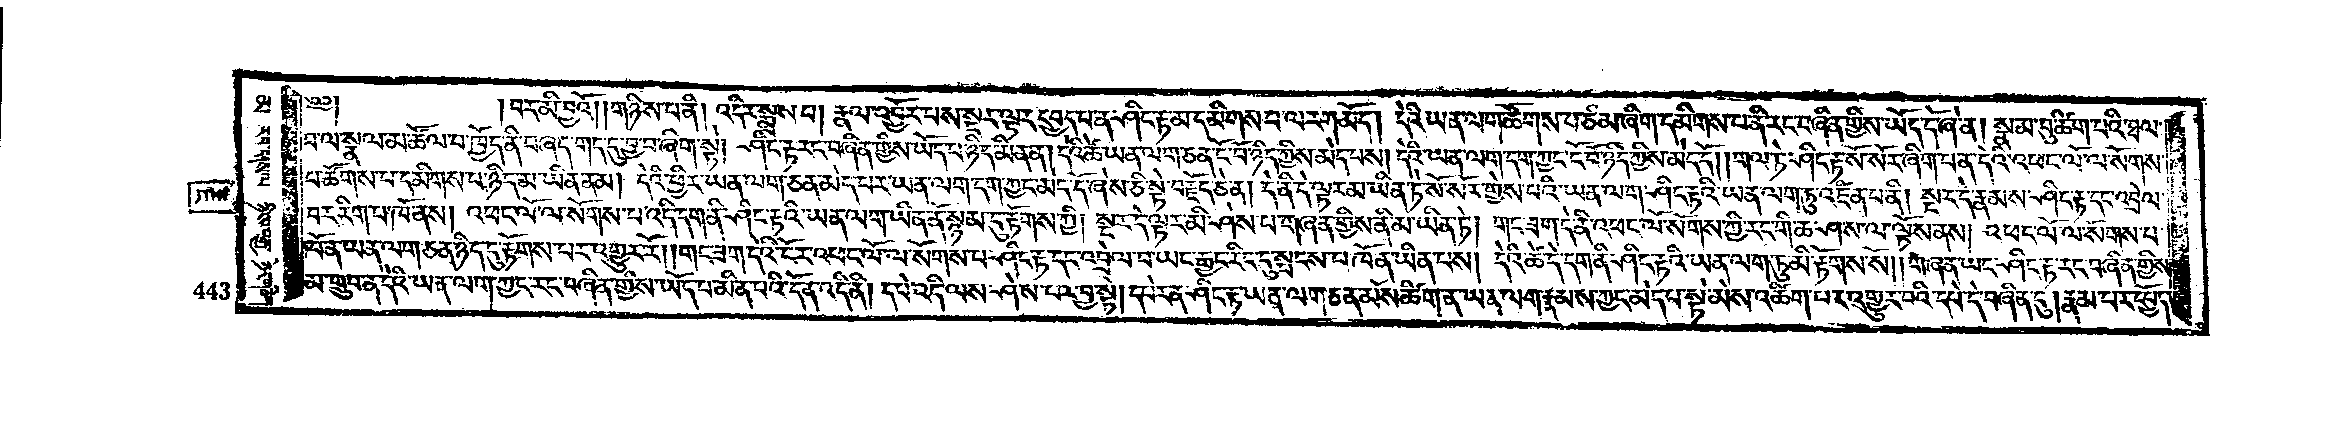༄༅། །བར་མི་བྱའོ། །གཉིས་པ་ནི། འདིར་སྨྲས་པ། རྣལ་འབྱོར་པས་སྔར་ལྟར་དཔྱད་པ་ན་ཤིང་རྟ་མ་དམིགས་པ་ལ་རག་མོད། དེའི་ཡན་ལག་ཚོགས་པ་ཙམ་ཞིག་དམིགས་པ་ནི་རང་བཞིན་གྱིས་ཡོད་དོ་ཞེ་ན། སྣམ་བུ་ཚིག་པའི་ཐལ་
བ་ལ་སྣལ་མ་ཚོལ་བ་ཁྱོད་ནི་བཞད་གད་དུ་བྱ་བ་ཞིག་སྟེ། ཤིང་རྟ་རང་བཞིན་གྱིས་ཡོད་པ་ཉིད་མིན་ན། དེའི་ཚེ་ཡན་ལག་ཅན་ངོ་བོ་ཉིད་ཀྱིས་མེད་པས། དེའི་ཡན་ལག་དག་ཀྱང་ངོ་བོ་ཉིད་ཀྱིས་མེད་དོ། །གལ་ཏེ་ཤིང་རྟ་སོ་སོར་ཞིག་པ་ན་དེའི་འཕང་ལོ་ལ་སོགས་
པ་ཚོགས་པ་དམིགས་པ་ཉིད་མ་ཡིན་ནམ། དེའི་ཕྱིར་ཡན་ལག་ཅན་མེད་པར་ཡན་ལག་དག་ཀྱང་མེད་དོ་ཞེས་ཅི་སྟེ་བརྗོད་ཅེ་ན། དེ་ནི་དེ་ལྟར་མ་ཡིན་ཏེ་སོ་སོར་གྱེས་པའི་ཡན་ལག་ཤིང་རྟའི་ཡན་ལག་ཏུ་འཛིན་པ་ནི། སྔར་དེ་རྣམས་ཤིང་རྟ་དང་འབྲེལ་
བར་རིག་པ་ཁོ་ནས། འཕང་ལོ་ལ་སོགས་པ་འདི་དག་ནི་ཤིང་རྟའི་ཡན་ལག་ཡིན་ནོ་སྙམ་དུ་རྟོགས་ཀྱི། སྔར་དེ་ལྟར་མི་ཤེས་པ་གཞན་གྱིས་ནི་མ་ཡིན་ཏེ། གང་ཟག་དེ་ནི་འཕང་ལོ་སོགས་ཀྱི་རང་གི་ཆ་ཤས་ལ་ལྟོས་ནས། འཕང་ལོ་ལ་སོགས་པ་
ཁོ་ན་ཡན་ལག་ཅན་ཉིད་དུ་རྟོགས་པར་འགྱུར་རོ། །གང་ཟག་དེའི་ངོར་འཕང་ལོ་ལ་སོགས་པ་ཤིང་རྟ་དང་འབྲེལ་བ་ཡང་རྒྱང་རིང་དུ་སྤངས་པ་ཁོ་ན་ཡིན་པས། དེའི་ཚེ་དེ་དག་ནི་ཤིང་རྟའི་ཡན་ལག་ཏུ་མི་རྟོགས་སོ། །གཞན་ཡང་ཤིང་རྟ་རང་བཞིན་གྱིས་
མ་གྲུབ་ན་དེའི་ཡན་ལག་ཀྱང་རང་བཞིན་གྱིས་ཡོད་པ་མིན་པའི་དོན་འདི་ནི། དཔེ་འདི་ལས་ཤེས་པར་བྱ་སྟེ། དཔེར་ན་ཤིང་རྟ་ཡན་ལག་ཅན་མིས་ཚིག་ན་ཡན་ལག་རྣམས་ཀྱང་མེད་པ་སྟེ་མེས་འཚིག་པར་འགྱུར་བའི་དཔེ་དེ་བཞིན་དུ། རྣམ་པར་དཔྱོད་